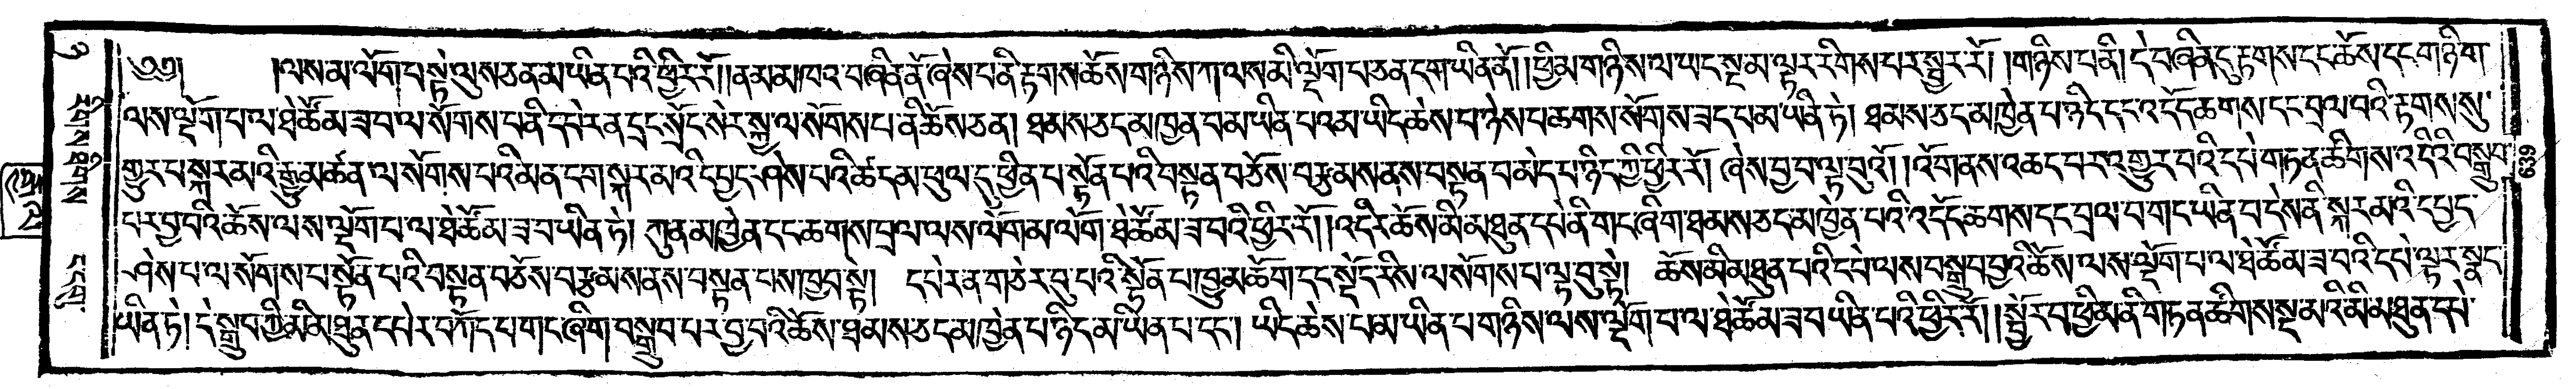༄༅། །ལས་མ་ལོག་བསྟེ་ལུས་ཅན་མ་ཡིན་པའི་ཕྱིར་རོ། །ནམ་མཁའ་བཞིན་ནོ་ཞེས་པ་ནི་རྟགས་ཆོས་གཉིས་ཀ་ལས་མི་ལྡོག་པ་ཅན་དག་ཡིན་ནོ། །ཕྱི་མ་གཉིས་ལ་ཡང་སྔ་མ་ལྟར་རིགས་པར་སྦྱར་རོ། །གཉིས་པ་ནི། དེ་བཞིན་དུ་རྟགས་དང་ཆོས་དང་གཉི་ག་
ལས་ལྡོག་པ་ལ་ཐེ་ཚོམ་ཟ་བ་ལ་སོགས་པ་ནི་དཔེར་ན་དྲང་སྲོང་སེར་སྐྱ་ལ་སོགས་པ་ནི་ཆོས་ཅན། ཐམས་ཅད་མཁྱན་པ་མ་ཡིན་པའམ་ཡིད་ཆེས་པ་ཉེས་པ་ཆགས་སོགས་ཟད་པ་མ་ཡིན་ཏེ། ཐམས་ཅད་མཁྱེན་པ་ཉིད་དང་འདོད་ཆགས་དང་བྲལ་བའི་རྟགས་སུ་
གྱུར་པ་སྐར་མའི་རྒྱུ་མཚན་ལ་སོགས་པའི་མན་ངག་སྐར་མའི་དཔྱད་ཤེས་པའི་ཚད་མ་ཕུལ་དུ་ཕྱིན་པ་སྟོན་པའི་བསྟན་བཅོས་བརྩམས་ནས་བསྟན་བ་མེད་པ་ཉིད་ཀྱི་ཕྱིར་རོ། །ཞེས་བྱ་བ་ལྟ་བུའོ། །འོག་ནས་འཆད་པར་འགྱུར་བའི་དཔེ་གཏན་ཚིགས་འདིའི་བསྒྲུབ་
པར་བྱ་བའི་ཆོས་ལས་ལྡོག་པ་ལ་ཐེ་ཚོམ་ཟ་བ་ཡིན་ཏེ། ཀུན་མཁྱེན་དང་ཆགས་བྲལ་ལས་ལོག་མ་ལོག་ཐེ་ཚོམ་ཟ་བའི་ཕྱིར་རོ། །འདིར་ཆོས་མི་མཐུན་དཔེ་ནི་གང་ཞིག་ཐམས་ཅད་མཁྱེན་པའི་འདོད་ཆགས་དང་བྲལ་བ་གང་ཡིན་པ་དེས་ནི་སྐར་མའི་དཔྱད་
ཤེས་པ་ལ་སོགས་པ་སྟོན་པའི་བསྟན་བཅོས་བརྩམས་ནས་བསྟན་པས་ཁྱབ་སྟེ། དཔེར་ན་གཅེར་བུ་བའི་སྟོན་པ་ཁྱུ་མཆོག་དང་སྡོད་རིས་ལ་སོགས་པ་ལྟ་བུ་སྟེ། ཆོས་མི་མཐུན་པའི་དཔེ་ལས་བསྒྲུབ་བྱའི་ཆོས་ལས་ལྡོག་པ་ལ་ཐེ་ཚོམ་ཟ་བའི་དཔེ་ལྟར་སྣང་
ཡིན་ཏེ། དེ་སྒྲུབ་ཀྱི་མི་མཐུན་དཔེར་བཀོད་པ་གང་ཞིག་བསྒྲུབ་པར་བྱ་བའི་ཆོས་ཐམས་ཅད་མཁྱེན་པ་ཉིད་མ་ཡིན་པ་དང་། ཡིད་ཆེས་པ་མ་ཡིན་པ་གཉིས་ལས་ལྡོག་པ་ལ་ཐེ་ཚོམ་ཟ་བ་ཡིན་པའི་ཕྱིར་རོ། །སྦྱོར་བ་ཕྱི་མ་ནི་གཏན་ཚིགས་སྔ་མའི་མི་མཐུན་དཔེ་